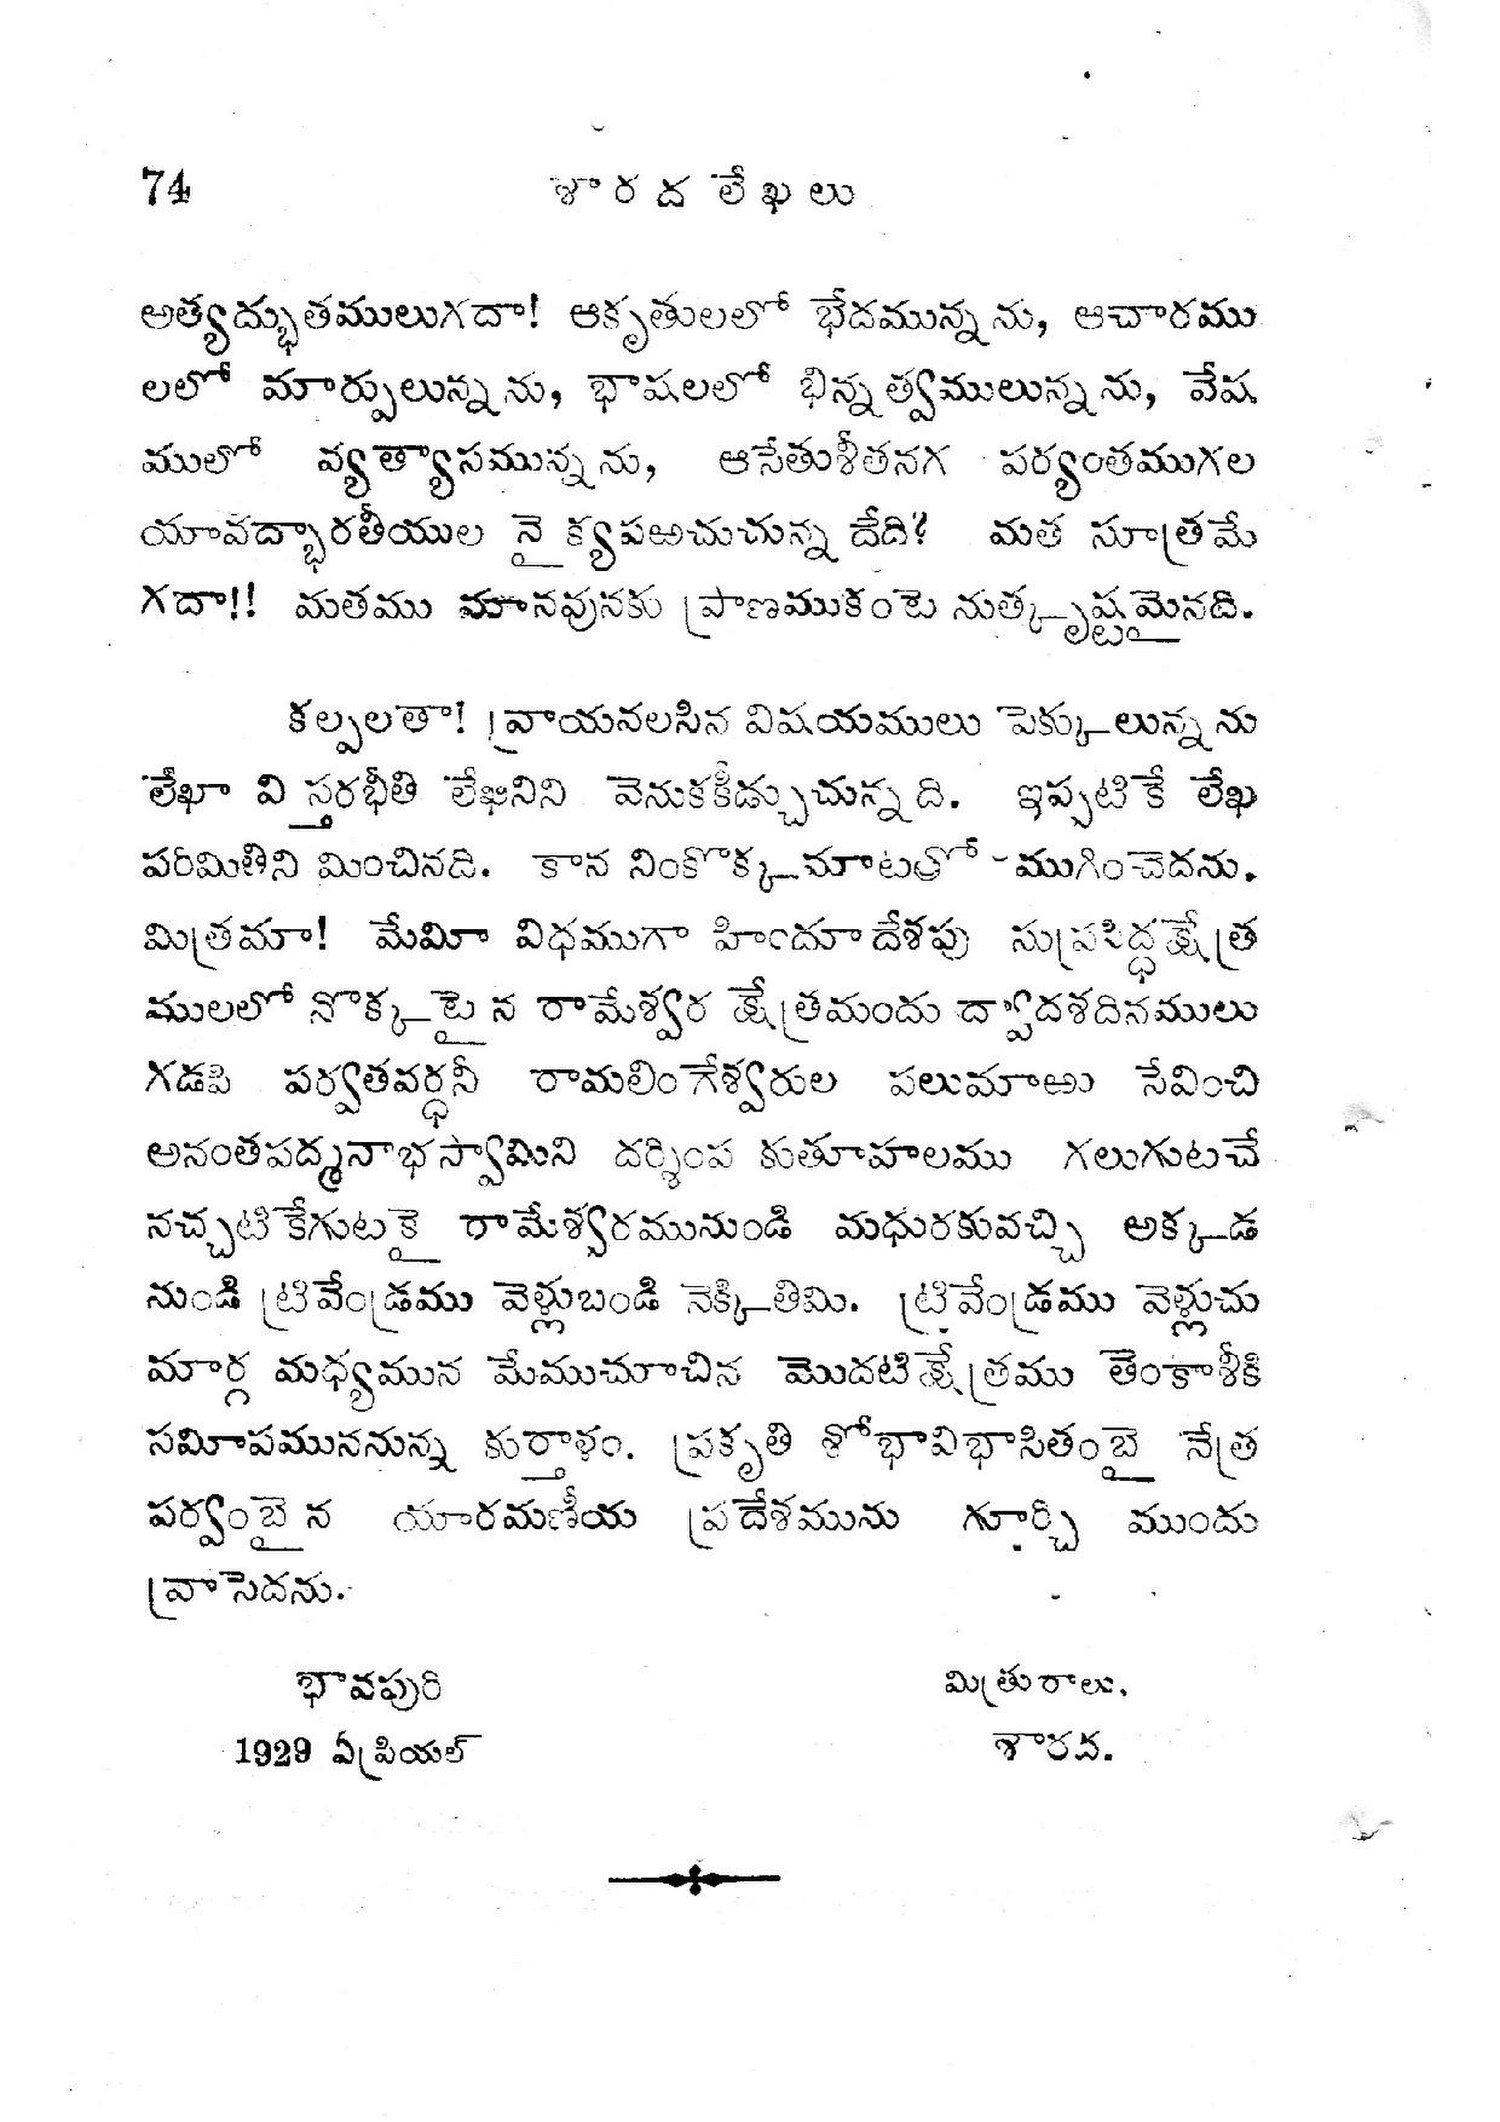అత్యద్భుతములుగదా! ఆకృతులలో భేదమున్నను, ఆచారములలో మార్పులున్నను, భాషలలో భిన్నత్వములున్నను, వేషములో వ్యత్యాసమున్నను, ఆసేతుశీతనగ పర్యంతముగల యావద్భారతీయుల నైక్యపఱచుచున్న దేది? మత సూత్రమే గదా!! మతము మానవునకు ప్రాణముకంటె నుత్కృష్టమైనది.

కల్పలతా! వ్రాయవలసిన విషయములు పెక్కులున్నను లేఖా విస్తరభీతి లేఖినిని వెనుకకీడ్చుచున్నది. ఇప్పటికే లేఖ పరిమితిని మించినది. కాన నింకొక్కమాటతో ముగించెదను. మిత్రమా! మేమీ విధముగా హిందూదేశపు సుప్రసిద్ధక్షేత్రములలో నొక్కటైన రామేశ్వర క్షేత్రమందు ద్వాదశదినములు గడపి పర్వతవర్ధనీ రామలింగేశ్వరుల పలుమాఱు సేవించి అనంతపద్మనాభస్వామిని దర్శింప కుతూహలము గలుగుటచే
నచ్చటికేగుటకై రామేశ్వరమునుండి మధురకువచ్చి అక్కడ నుండి ట్రివేండ్రము వెళ్లుబండి నెక్కితిమి. ట్రివేండ్రము వెళ్లుచు మార్గ మధ్యమున మేముచూచిన మొదటిక్షేత్రము తెంకాశీకి సమీపముననున్న కుర్తాళం. ప్రకృతి శోభావిభాసితంబై నేత్రపర్వంబైన యారమణీయ ప్రదేశమును గూర్చి ముందు వ్రాసెదను.